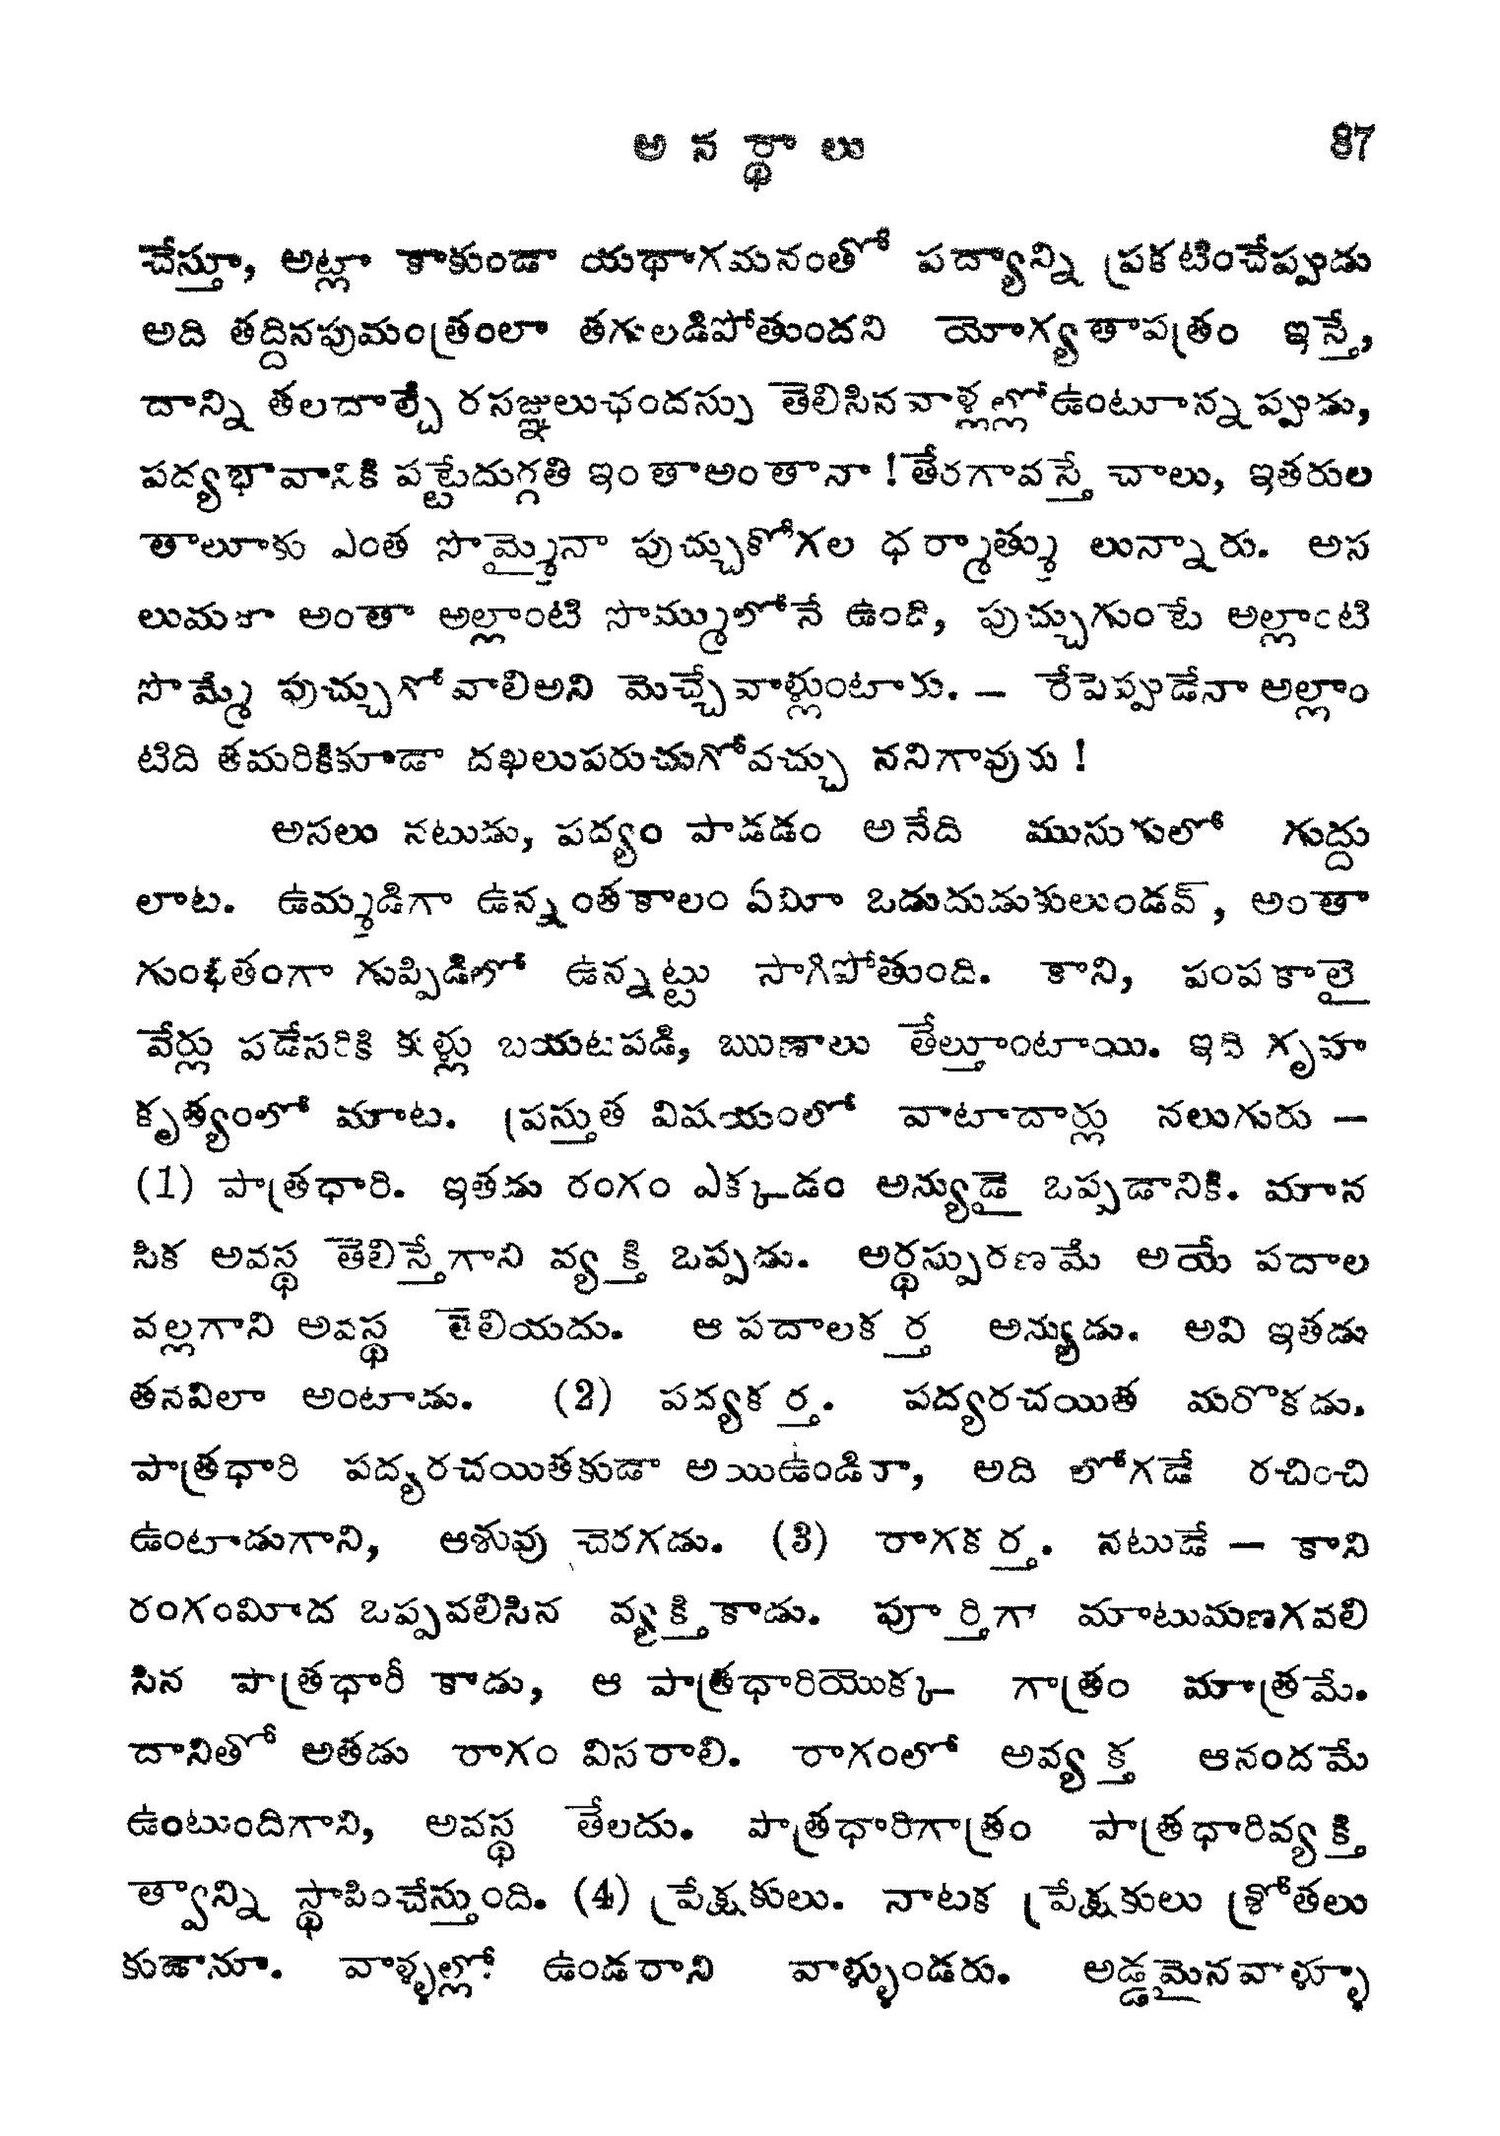చేస్తూ, అట్లా కాకుండా యథాగమనంతో పద్యాన్ని ప్రకటించేప్పుడు
అది తద్దినపుమంత్రంలా తగులడిపోతుందని యోగ్యతాపత్రం ఇస్తే,
దాన్ని తలదాల్చే రసజ్ఞులుఛందస్సు తెలిసినవాళ్లల్లో ఉంటూన్నప్పుడు,
పద్యభావానికి పట్టేదుర్గతి ఇంతాఅంతానా! తేరగావస్తే చాలు, ఇతరుల
తాలూకు ఎంత సొమ్మైనా పుచ్చుకోగల ధర్మాత్ము లున్నారు. అస
లుమజా అంతా అల్లాంటి సొమ్ములోనే ఉంది, పుచ్చుగుంటే అల్లాంటి
సొమ్మే పుచ్చుగోవాలిఅని మెచ్చేవాళ్లుంటారు. రేపెప్పుడేనా అల్లాం
టిది తమరికికూడా దఖలుపరుచుకోవచ్చు ననిగావును!

అసలు నటుడు, పద్యం పాడడం అనేది ముసుగులో గుద్దు
లాట. ఉమ్మడిగా ఉన్నంతకాలం ఏమీ ఒడుదుడుకులుండవ్, అంతా
గుంభితంగా గుప్పిడిలో ఉన్నట్టు సాగిపోతుంది. కాని, పంపకాలై
వేర్లు పడేసరికి కళ్లు బయటపడి, ఋణాలు తేల్తూంటాయి. ఇది గృహ
కృత్యంలో మాట. ప్రస్తుత విషయంలో వాటాదార్లు నలుగురు -
(1) పాత్రధారి. ఇతడు రంగం ఎక్కడం అన్యుడై ఒప్పడానికి. మాన
సిక అవస్థ తెలిస్తేగాని వ్యక్తి ఒప్పడు. అర్థస్పురణమే అయే పదాల
వల్లగాని అవస్థ తెలియదు. ఆ పదాలకర్త అన్యుడు. అవి ఇతడు
తనవిలా అంటాడు. (2) పద్యకర్త. పద్యరచయిత మరొకడు.
పాత్రధారి పద్యరచయితకుడా అయిఉండినా, అది లోగడే రచించి
ఉంటాడుగాని, ఆశువు చెరగడు. (3) రాగకర్త. నటుడే - కాని
రంగంమీద ఒప్పవలిసిన వ్యక్తికాడు. పూర్తిగా మాటుమణగవలి
సిన పాత్రధారీ కాడు, ఆ పాత్రధారియొక్క గాత్రం మాత్రమే.
దానితో అతడు రాగం విసరాలి. రాగంలో అవ్యక్త ఆనందమే
ఉంటుందిగాని, అవస్థ తేలదు. పాత్రధారిగాత్రం పాత్రధారివ్యక్తి
త్వాన్ని స్థాపించేస్తుంది. (4) ప్రేక్షకులు. నాటక ప్రేక్షకులు శ్రోతలు
కుడానూ. వాళ్ళల్లో ఉండరాని వాళ్ళుండరు. అడ్డమైనవాళ్ళూ